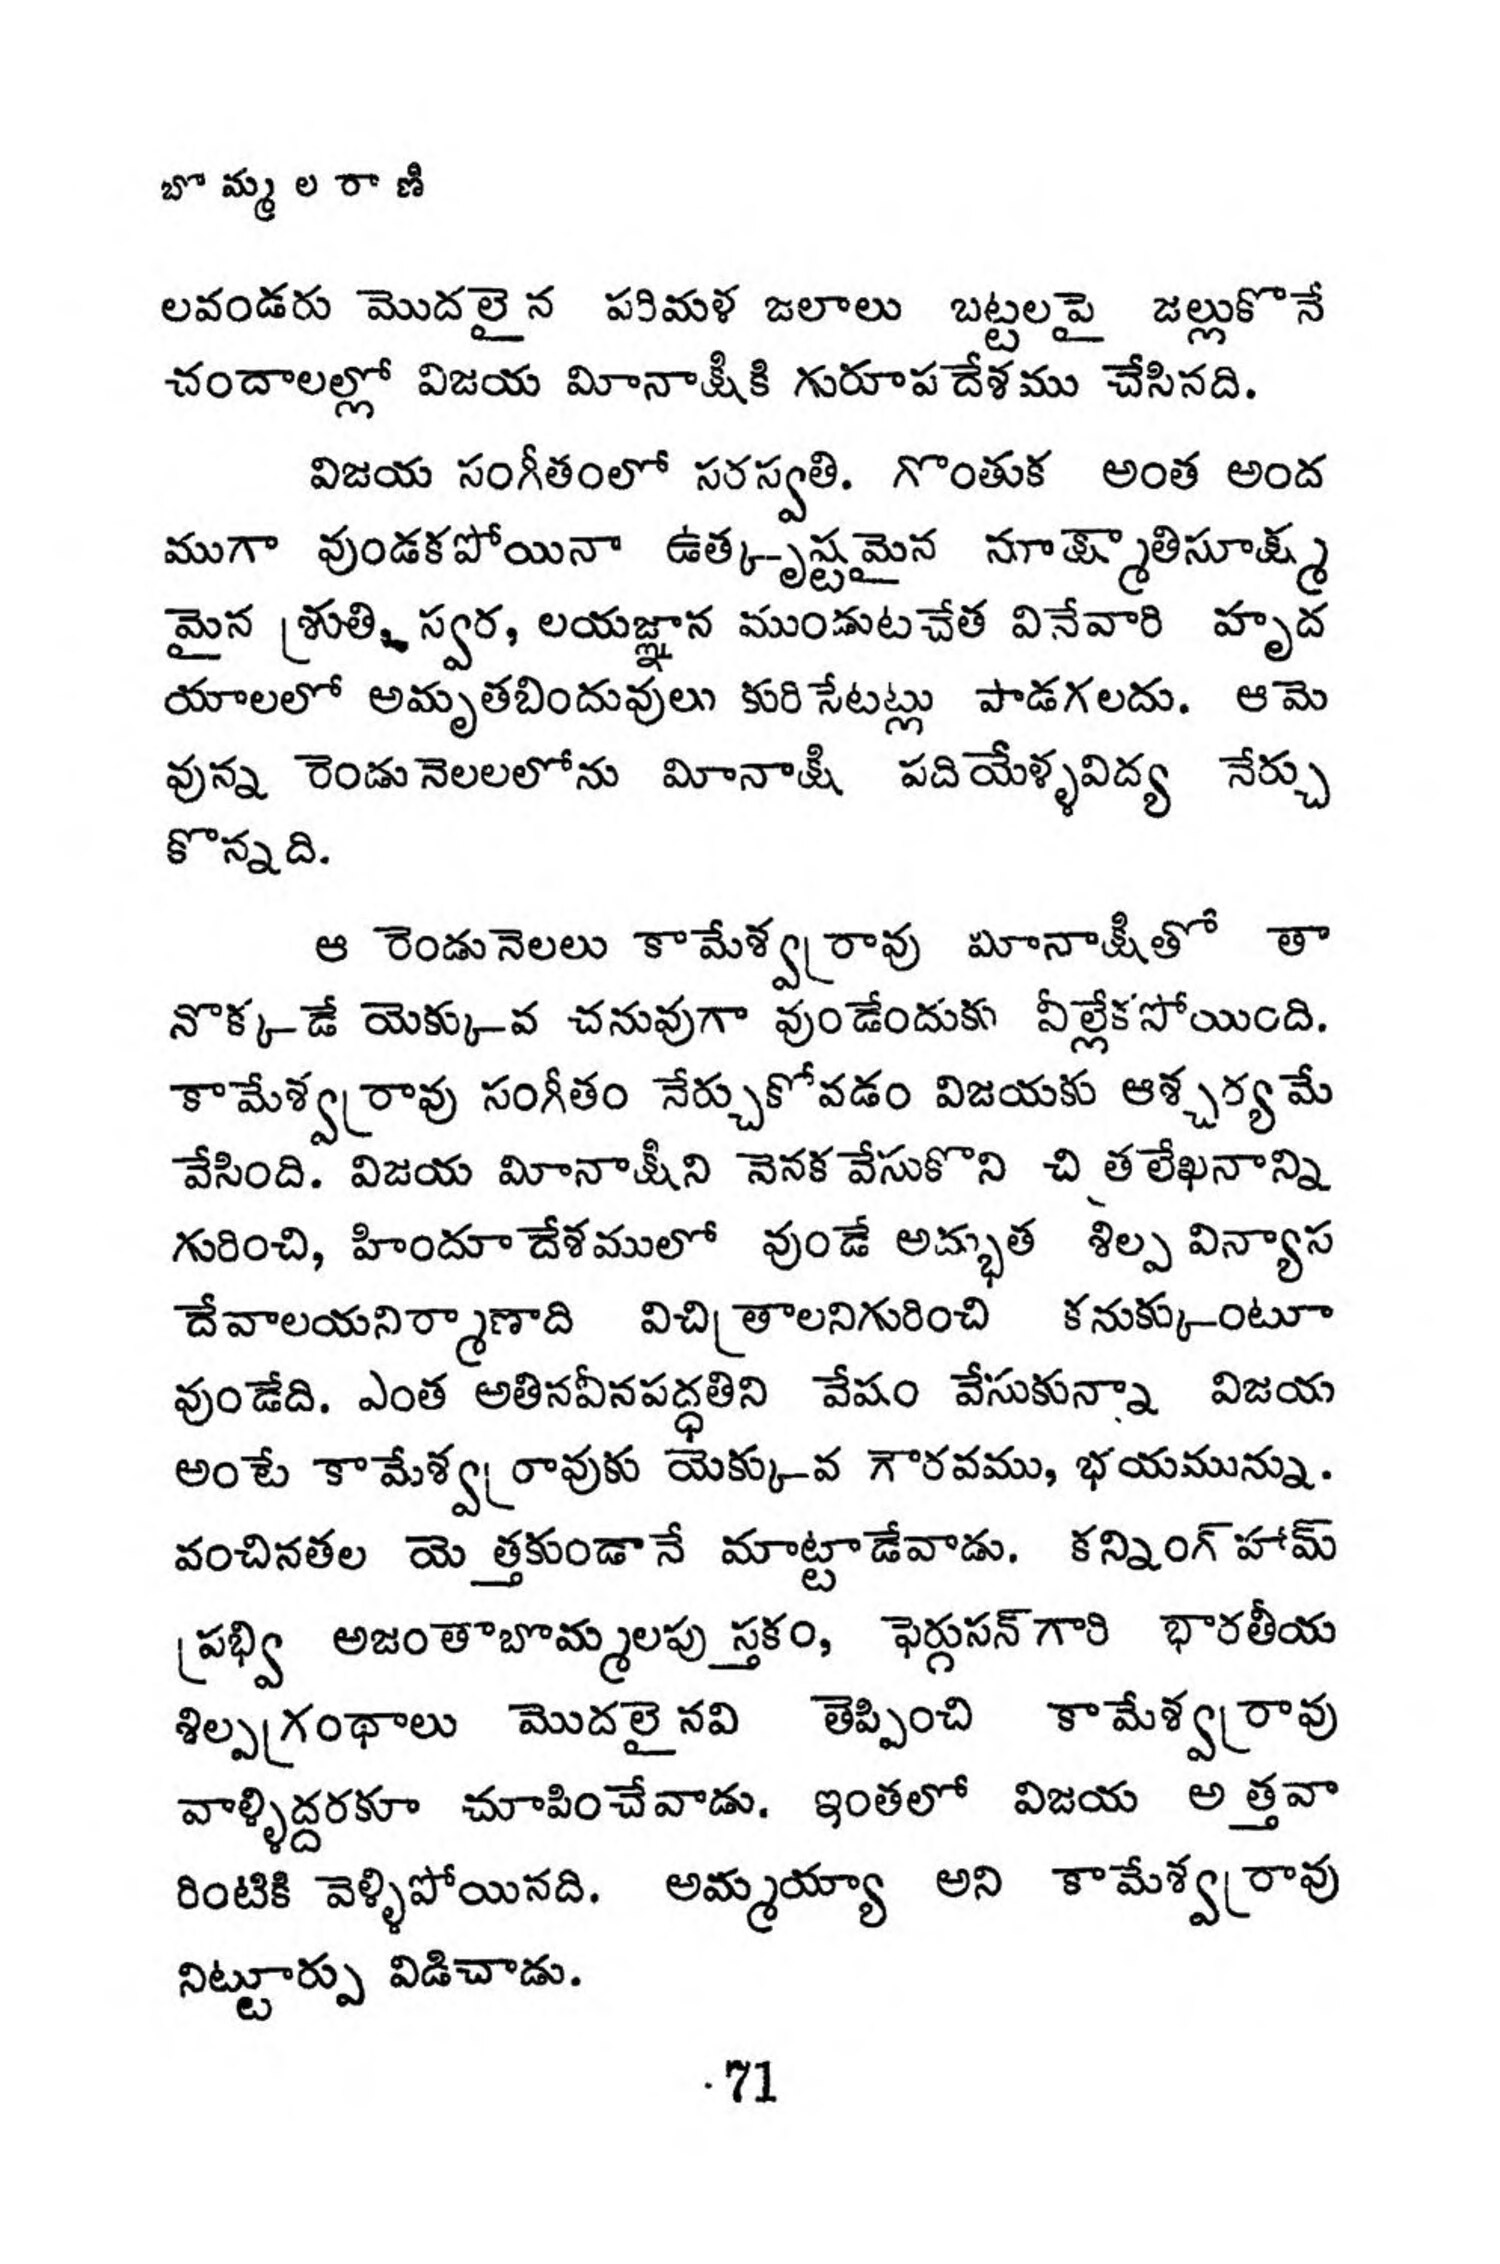లవండరు మొదలైన పరిమళ జలాలు బట్టలపై జల్లుకొనే చందాలల్లో విజయ మీనాక్షికి గురూపదేశము చేసినది.

విజయ సంగీతంలో సరస్వతి. గొంతుక అంత అందముగా వుండకపోయినా ఉత్కృష్టమైన సూక్ష్మాతిసూక్ష్మమైన శ్రుతి, స్వర, లయజ్ఞాన ముండుటచేత వినేవారి హృదయాలలో అమృతబిందువులు కురిసేటట్లు పాడగలదు. ఆమె వున్న రెండునెలలలోను మీనాక్షి పదియేళ్ళవిద్య నేర్చుకొన్నది.

ఆ రెండునెలలు కామేశ్వర్రావు మీనాక్షితో తా నొక్కడే యెక్కువ చనువుగా వుండేందుకు వీల్లేకపోయింది. కామేశ్వర్రావు సంగీతం నేర్చుకోవడం విజయకు ఆశ్చర్యమే వేసింది. విజయ మీనాక్షిని వెనక వేసుకొని చిత్రలేఖనాన్ని గురించి, హిందూదేశములో వుండే అద్భుత శిల్ప విన్యాస దేవాలయనిర్మాణాది విచిత్రాలనిగురించి కనుక్కుంటూ వుండేది. ఎంత అతీనవీనపద్ధతిని వేషం వేసుకున్నా విజయ అంటే కామేశ్వర్రావుకు యెక్కువ గౌరవము, భయమున్ను. వంచినతల యెత్తకుండానే మాట్టాడేవాడు. కన్నింగ్‌హామ్ ప్రభ్వి అజంతాబొమ్మలపుస్తకం, ఫెర్గుసన్‌గారి భారతీయ శిల్పగ్రంథాలు మొదలైనవి తెప్పించి కామేశ్వర్రావు వాళ్ళిద్దరకూ చూపించేవాడు. ఇంతలో విజయ అత్తవారింటికి వెళ్ళిపోయినది. అమ్మయ్యా అని కామేశ్వర్రావు నిట్టూర్పు విడిచాడు.